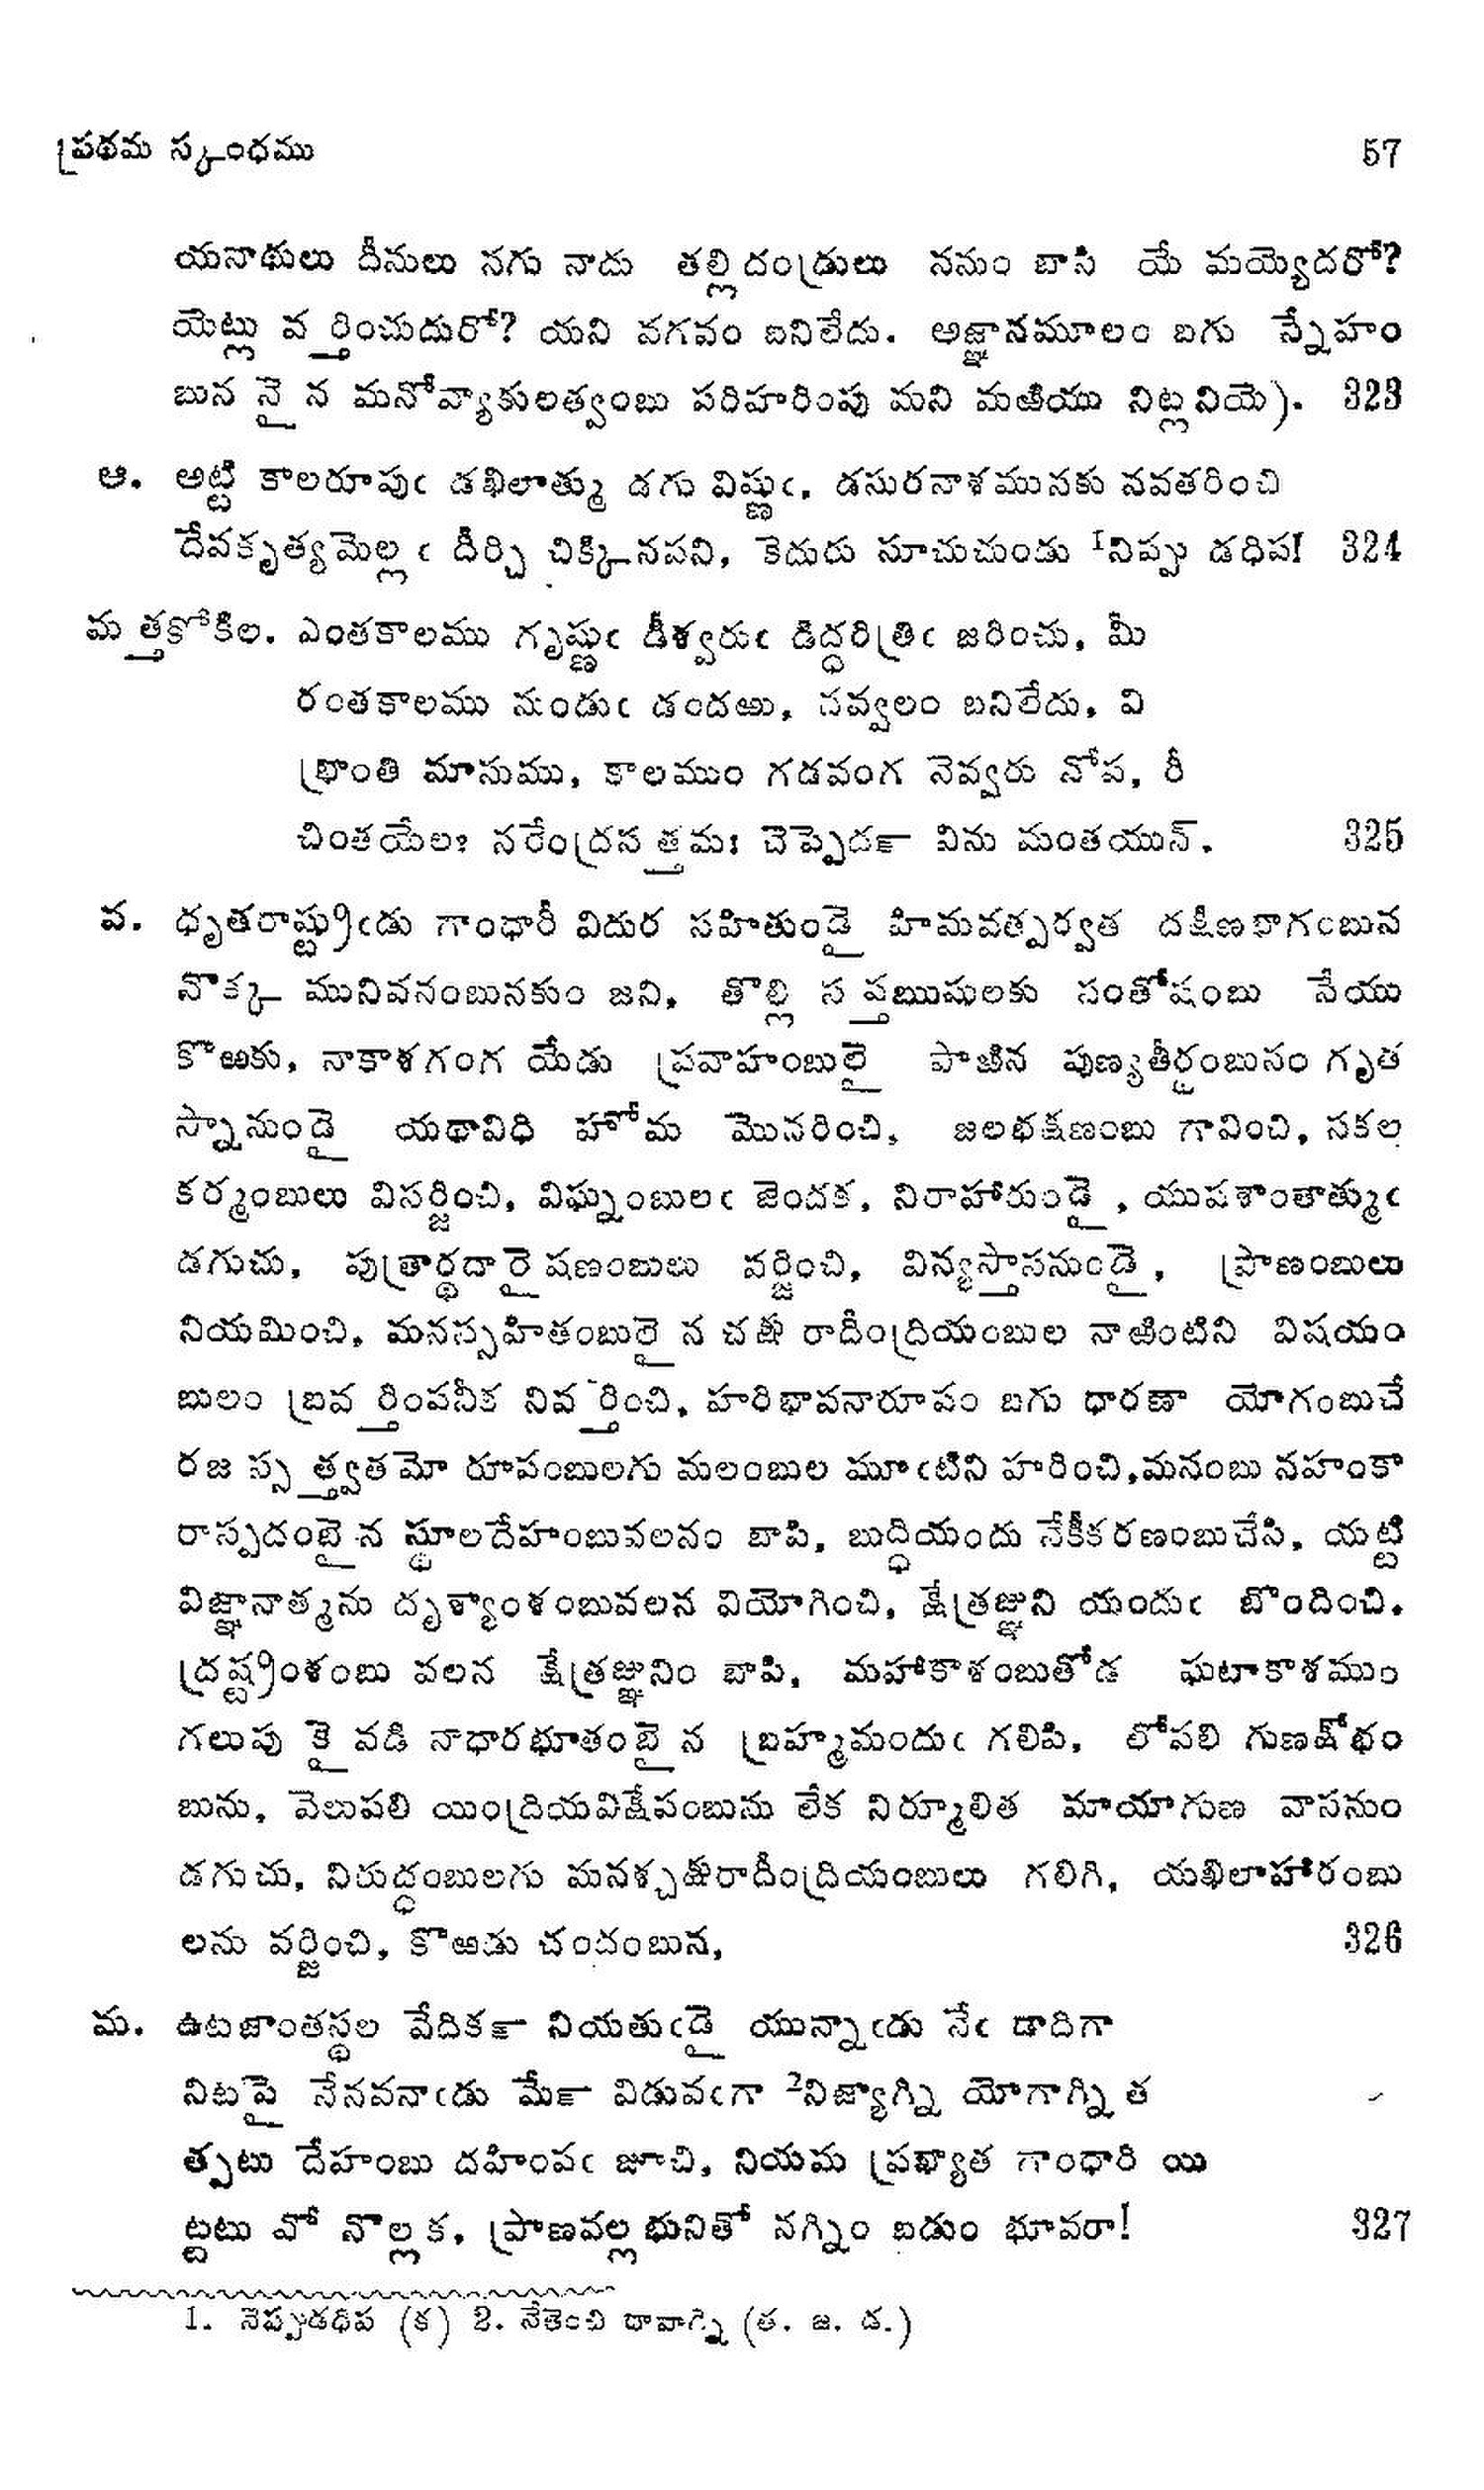57

యనాథులు దీనులునగు నామ తల్లిదండ్రులు నమం బాసి యే మయ్యెదరొ? యెట్లు వర్తించుదురొ? యని వగవం బనిలేదు. అజ్ఞానములం బగు స్నేహంబున నైన మనోవ్యాకులత్వంబు పరిహరింపు మని మఱియు నిట్లనియె).(1-323)

ఆ. అట్టి కాలరూపుఁ డఖిలాత్ముఁ డగు విష్ణుఁ , డసురనాశమునకు నవతరించి

దేవకృత్యమెల్లఁ దీర్చి చిక్కినపని, కెదురు సూచుచుండు నిప్పు డధిప! (1-324)

మత్తకోకిల. ఎంతకాలము గృష్ణుఁ డీశ్వరుఁ డిద్ధరిత్రిఁ జరించు,మీ 

రంతకాలము నుండుఁ డందఱు, నవ్వలం బనిలేదు, వి

భ్రాంతి మానుము, కాలముం గడవంగ నెవ్వరు నోప, రీ

తించయేల? నరేంద్రసత్తమ! చెప్పెదన్ విను మంతయున్ . (1-325)

వ. ధృతరాష్ట్రుడు గాంధారీ విదురు సహితుండై హిమవత్పర్వత దక్షినభాగంబున నొక్క మునివనంబున జని, తొల్లి సప్తఋషులకు సంతోషంబు సేయుకోఱుచు, నాకాశగంగ యేడు ప్రవాహంబులై పాఱిన పున్యతీర్థంబున గృత స్నానుండై యథావిది హోమ మెనరించి, జలభక్షనంబు గావించి, సకల కర్మంబులువిసర్జించి, విఘ్నంబుఁ జెందక, నిరాహారుండై, యుపశాతాత్ముఁ డగుచు, పుత్రార్ధదారైషణంబులు వర్జించి, విన్యస్తాసనుండై, ప్రాణంబులు నియమించి, మనస్సహితంబులైన చక్షు రాదీంద్రియంబులు నాఱింటిని విషయంబులం ప్రవర్తింపనీక నివర్తించి, హరిభావనారూపంబగు ధారణా యోగంబుచే రజ స్సత్త్వతమో రూపంబులగు మలంబుల మూఁటిని హరించి, మనంబు నహంకారస్పదంబైన స్థూలదేహంబువలనం బాపి, బుద్ధియందు నేకీకరణంబుచేసి, యట్టి విజ్ఞానాత్మను దృశ్యాంశంబువలన వియోగించి, క్షేత్రజ్ఞుని యందుఁ బొందింది ద్రష్ట్రంశంబువలన క్షేత్రజ్ఞునిం బాసి, మహాకాశంబుతోడ ఘటాకాశముం గలుపు కైవడి నాధారభూతంబైన బ్రహ్మమందుఁ గలిపి, లోపలి గుణక్షోధంబును, వెలుపలి యింద్రియ విక్షేపంబును లేక నిర్మూలిత మాయాగుణ వాసనుండగుచు, నిరుద్ధంబులగు మనశ్చక్షురాదీంద్రియంబులు గలిగి, యఖిలహారంబులను వర్జించి, కొఱడు చందంబున. (1-326)

మ. ఉటజాంతస్థల వేదికన్ నియతుఁడై యునాఁడు నేఁ డాదిగా

నిటపై నేనవనాఁడు మేన్ విడువఁగా నిజ్యాగ్ని యోగాగ్నిత

త్పట దేహంబు దహింపఁ జూచి, నియమ ప్రఖ్యాత గాంధారి యి

ట్టటు వో నొల్లక, ప్రాణనవల్లభునితో నగ్నిం బడుం భూవరా ! (1-327)